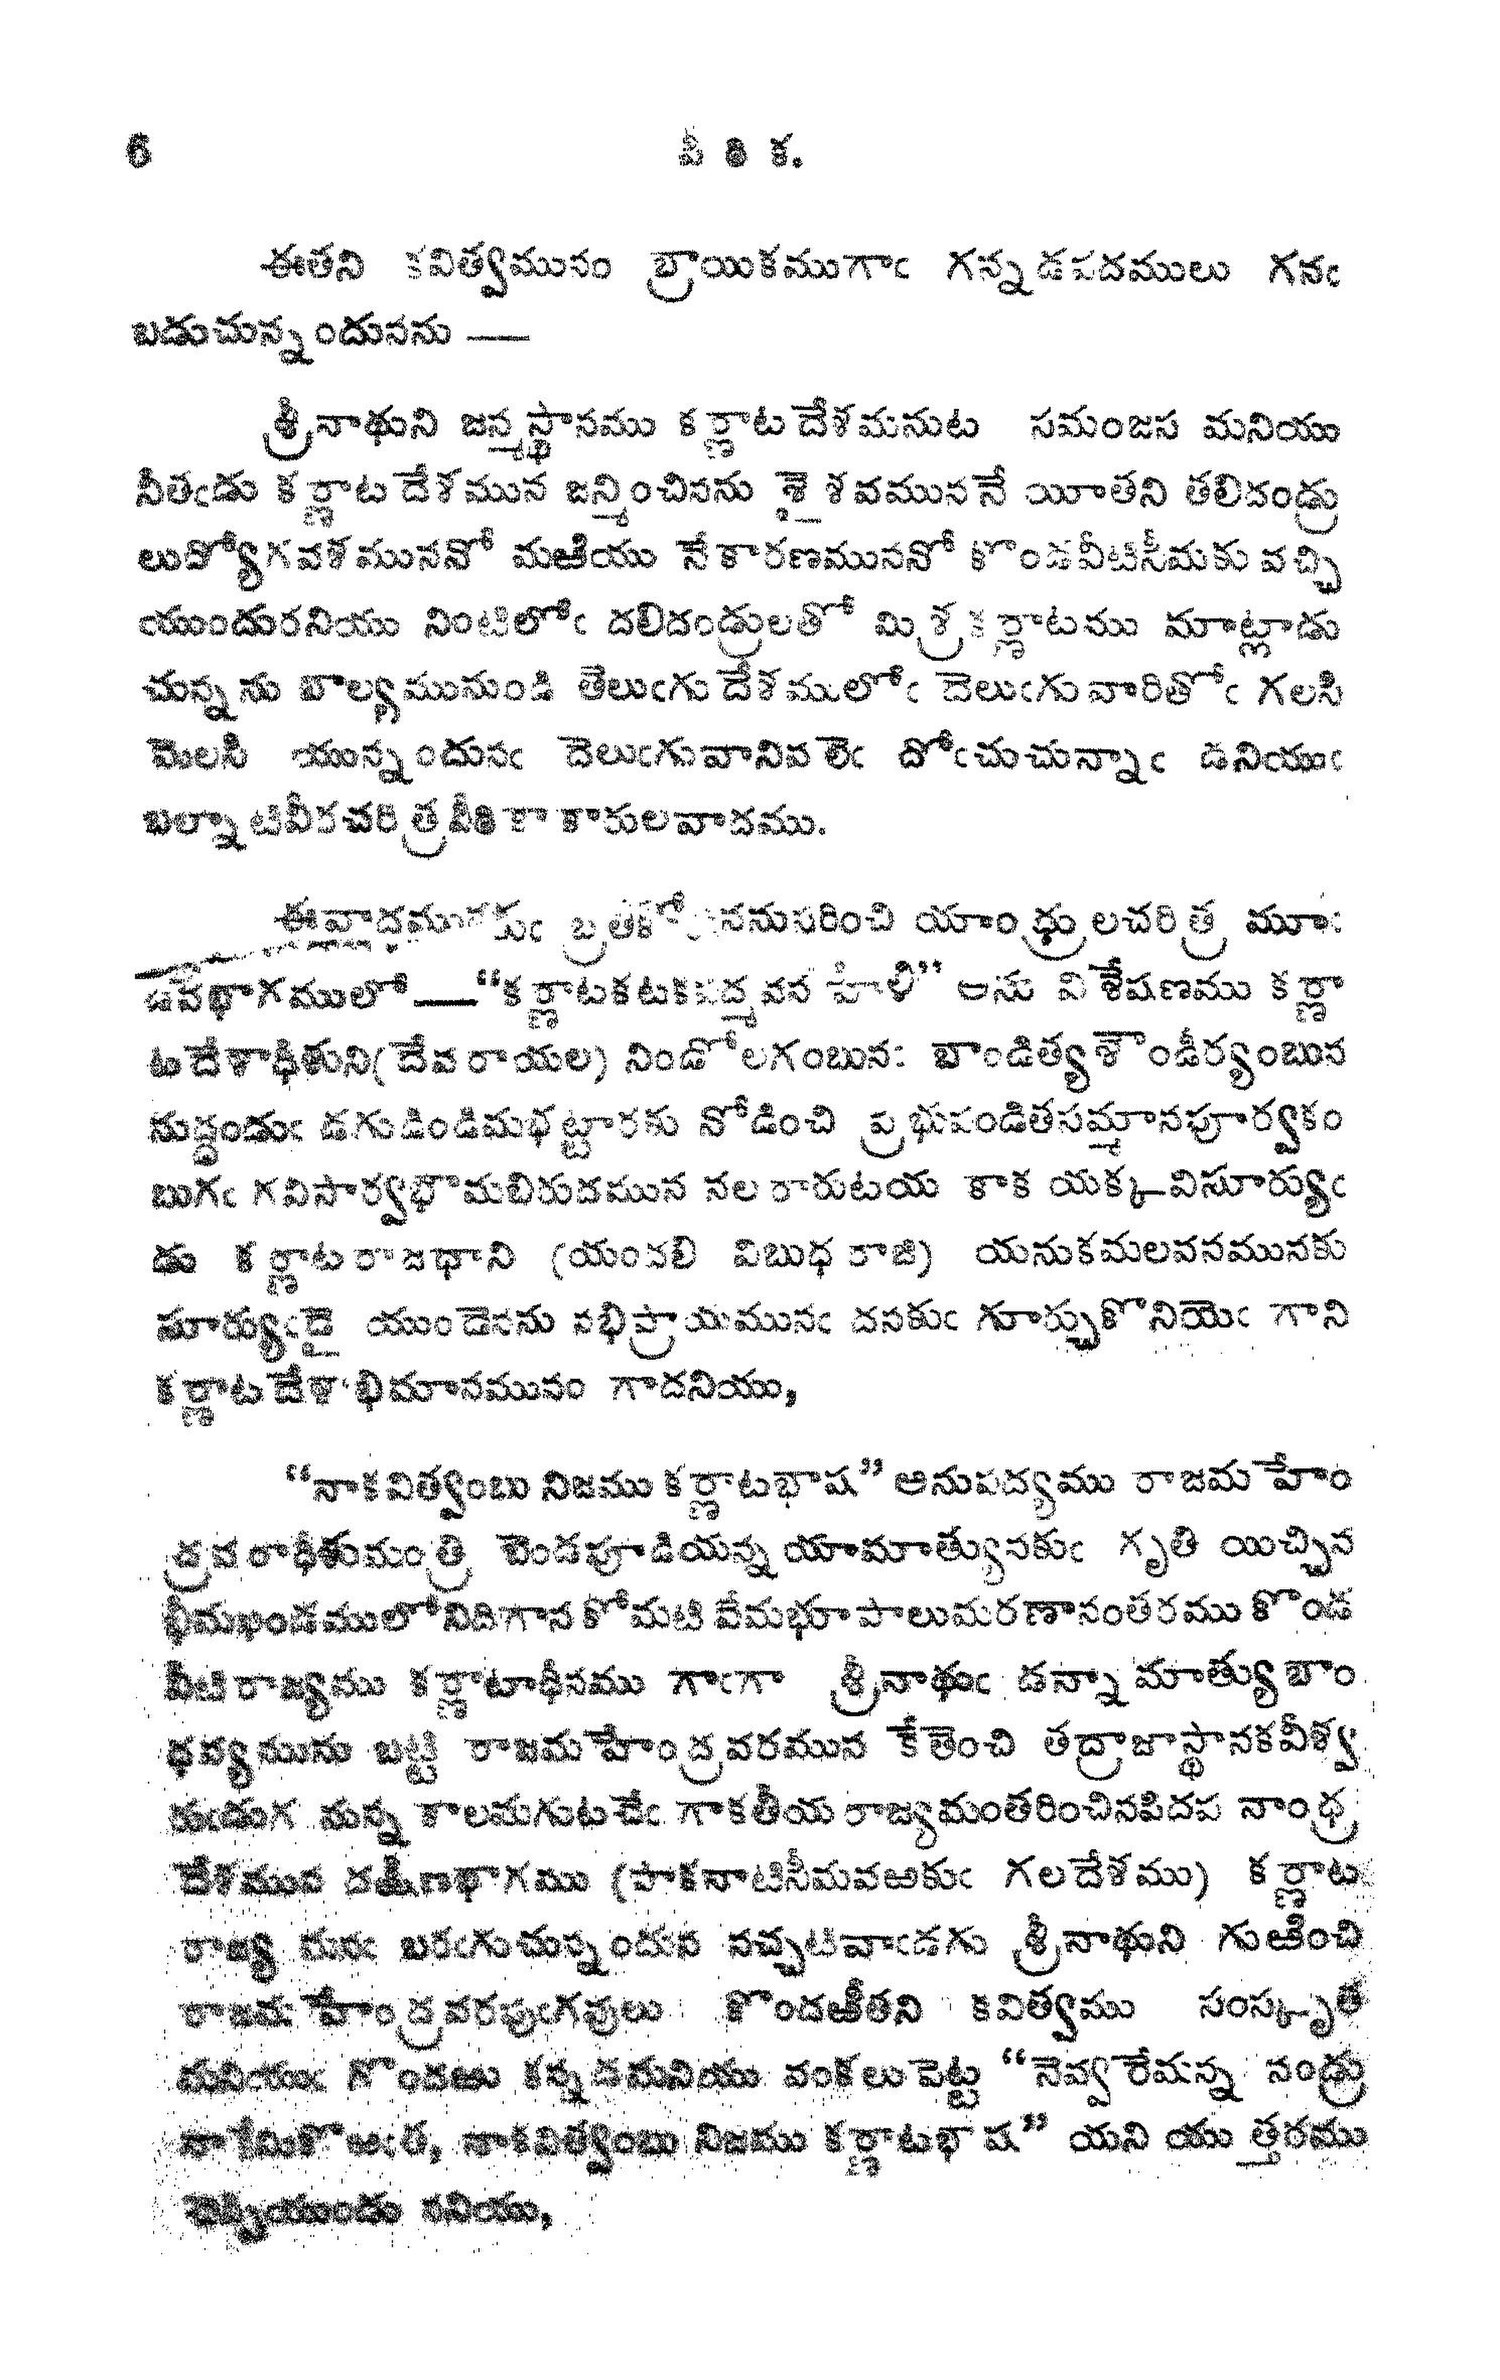ఈతని కవిత్వమునం బ్రాయికముగాఁ గన్నడపదములు గనఁబడుచున్నందునను -

శ్రీనాథుని జన్మస్థానము కర్ణాటదేశమనుట సమంజస మనియు నీతఁడు కర్ణాటదేశమున జన్మించినను శైశవముననే యీతని తలిదండ్రు లుద్యోగవశముననో మఱియు నేకారణముననో కొండవీటిసీమకు వచ్చి యుందురనియు నింటిలోఁ దలిదండ్రులతో మిశ్రకర్ణాటము మాట్లాడుచున్నను బాల్యమునుండి తెలుఁగుదేశములోఁ దెలుఁగువారితోఁ గలసిమెలసి యున్నందుసఁ దెలుఁగువానివలెఁ దోఁచుచున్నాఁ డనియుఁ బల్నాటివీరచరిత్రపీఠికాకారులవాదము.

ఈ వాదమునకుఁ బ్రతికోరు ననుసరించి యాంధ్రులచరిత్ర మూఁడవభాగములో "కర్ణాటకటకపద్మవనహేళి" అసు విశేషణము కర్ణాటదేశాధిశుని (దేవరాయల) నిండోలగంబునఁ బాండిత్యశౌండీర్యంబున నుద్దండుఁ డగుడిండిమభట్టారకు నోడించి ప్రభుపండితసమ్మానపూర్వకంబుగఁ గవిసార్వభౌమబిరుదమున నలరారుటయ కాక యక్కవిసూర్యుఁడు కర్ణాటరాజధాని (యందలి విబుధరాజి) యనుకమలవనమునకు సూర్యుఁడై యుండెనను నభిప్రాయమునఁ దనకుఁ గూర్చుకొనియెఁ గాని కర్ణాటదేశాభిమానమునం గాదనియు,

"నాకవిత్వంబు నిజము కర్ణాటభాష” అనుపద్యము రాజమహేంద్రవరాధీశుమంత్రి బెండపూడియన్నయామాత్యునకుఁ గృతి యిచ్చిన భీముఖండములోనిదిగాన కోమటి వేమభూపాలుమరణానంతరము కొండవీటిరాజ్యము కర్ణాటాధీనము గాఁగా శ్రీనాథుఁ డన్నామాత్యుబాంధవ్యమును బట్టి రాజమహేంద్రవరమున కేతెంచి తద్రాజాస్థానకవీశ్వరుఁడుగ నున్న కాలమగుటచేఁ గాకతీయరాజ్య మంతరించినపిదప నాంధ్రదేశమున దక్షిణభాగము (పాకనాటిసీమవఱకుఁ గలదేశము) కర్ణాటరాజ్య మనఁ బరఁగుచున్నందున నచ్చటివాఁడగు శ్రీనాథుని గుఱించి రాజమహేంద్రవరపుంగవులు కొంద ఱీతని కవిత్వము సంస్కృతమనియుఁ గొందఱు కన్నడమనియు వంకలుపెట్ట “నెవ్వరేమన్న నండ్రు నాకేమికొఱఁత, నాకవిత్వంబు నిజము కర్ణాటభాష" యని యుత్తరము చెప్పియుండు ననియు,